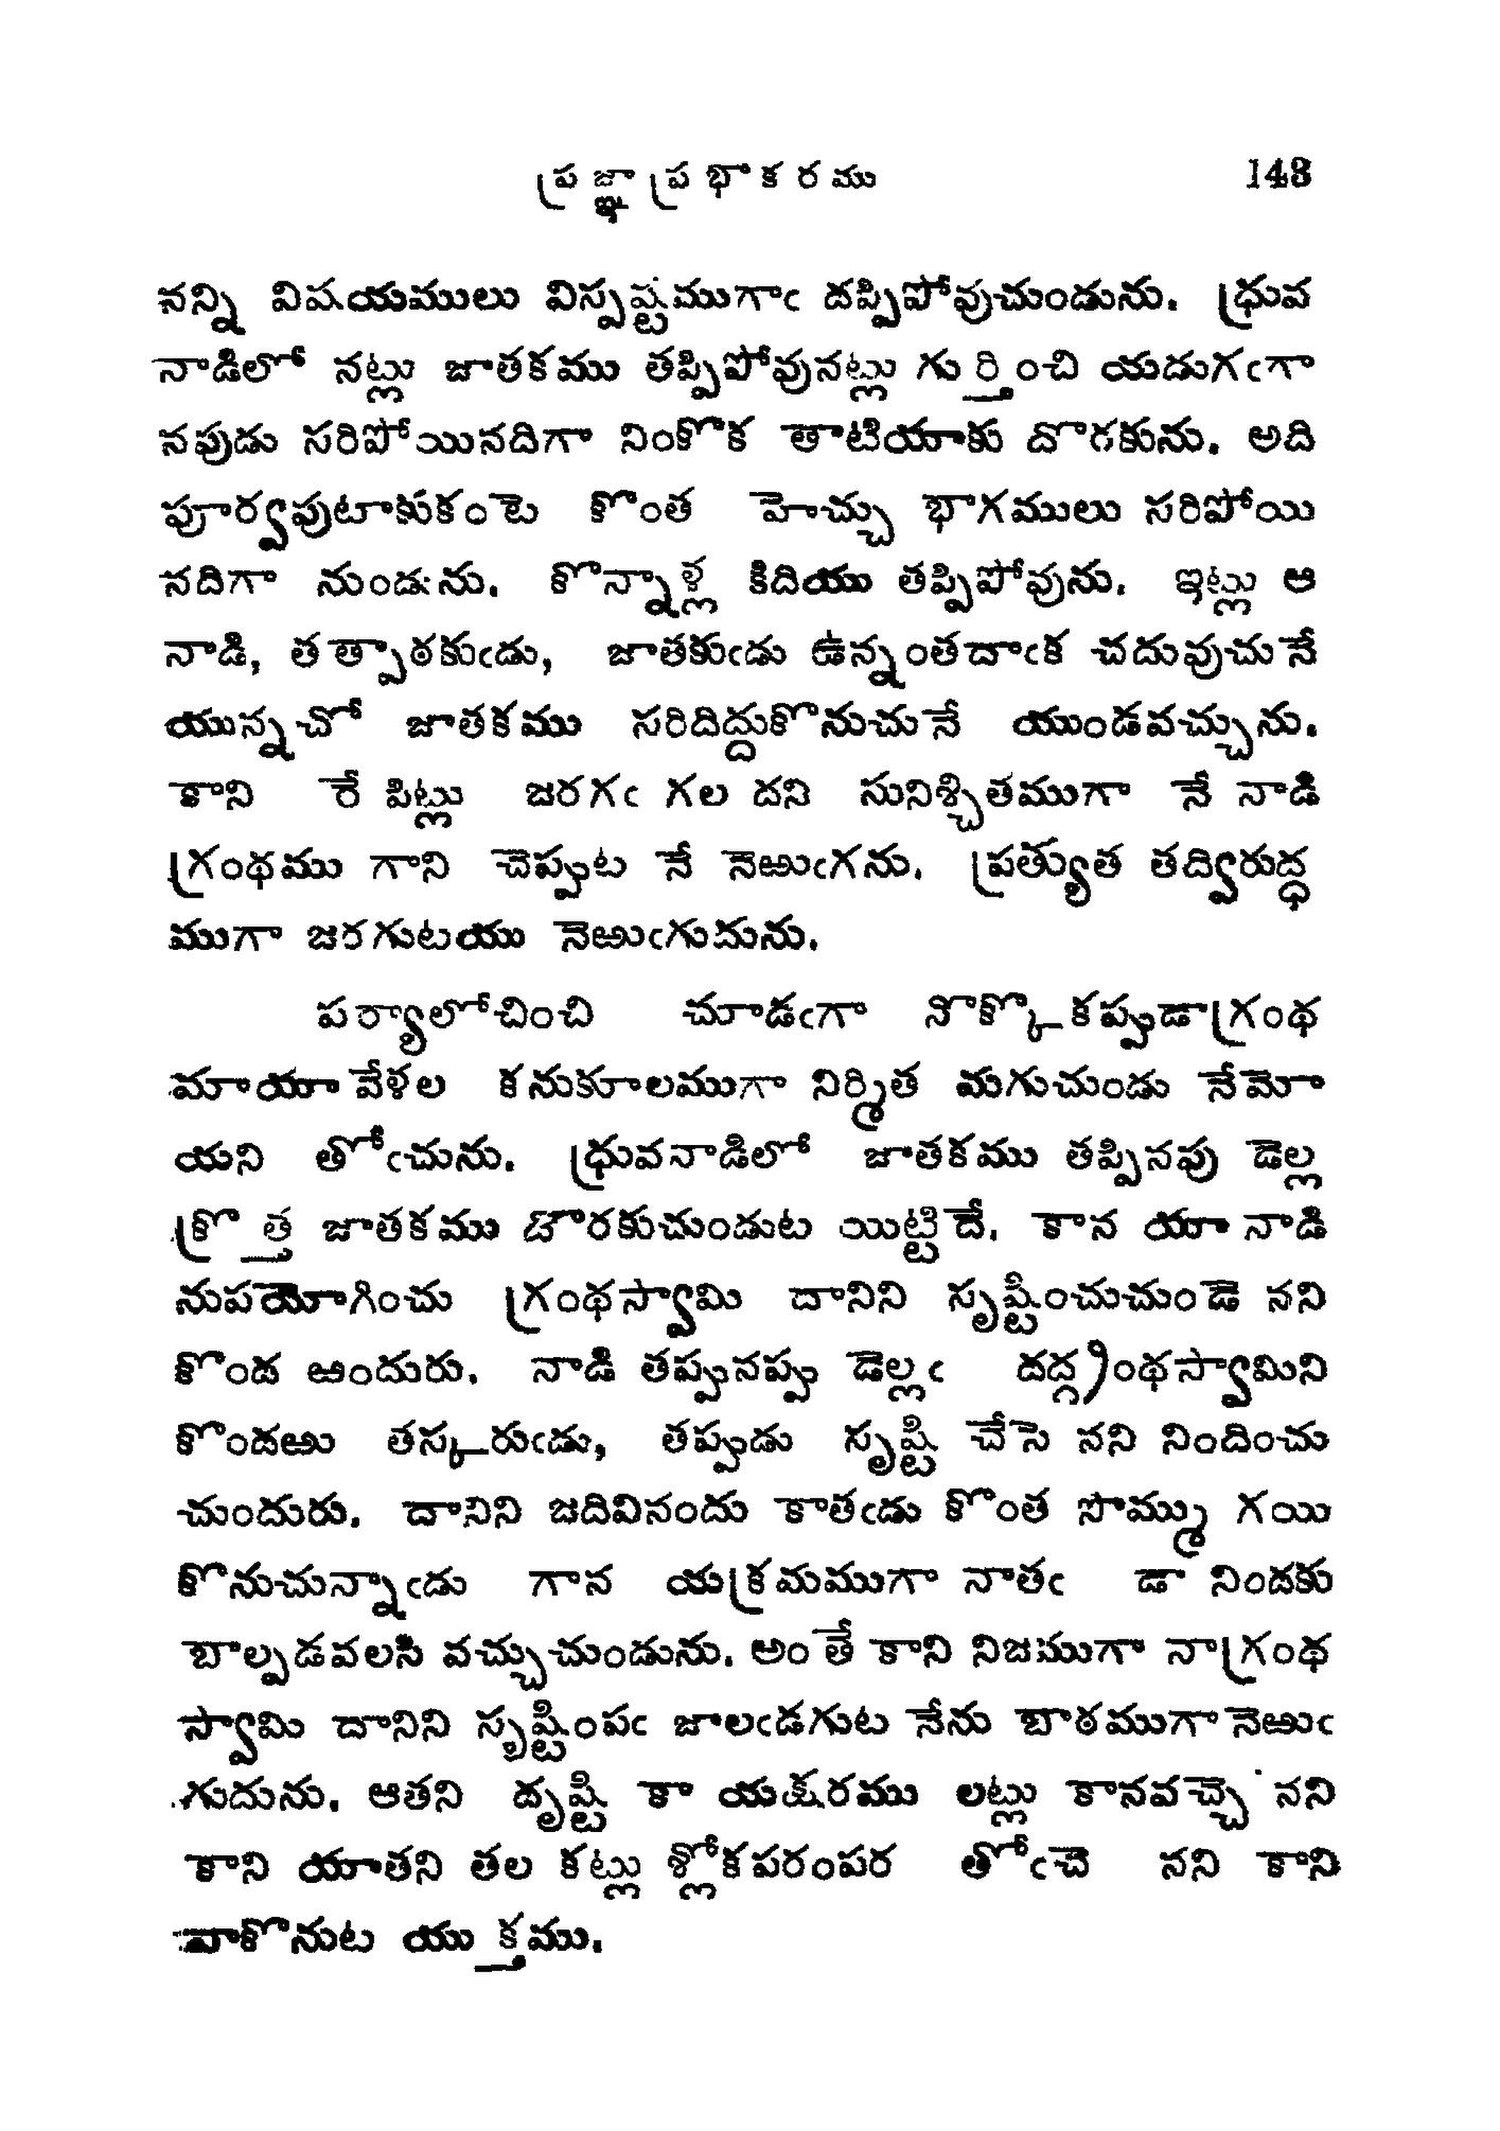నన్ని విషయములు విస్పష్టముగాఁ దప్పిపోవుచుండును. ధ్రువ నాడిలో నట్లు జాతకము తప్పి పోవునట్లు గుర్తించి యడుగఁగా నపుడు సరిపోయినదిగా నింకొక తాటియాకు దొరకును. అది పూర్వపుటాకు కంటె కొంత హెచ్చు భాగములు సిరిపోయి నదిగా నుండును. కొన్నాళ్ళ కిదియు తప్పి పోవును. ఇట్లు ఆనాడి, తత్పాఠకుఁ డు, జాతకుఁ డు ఉన్నంత దాఁక చదువుచునే యున్నచో జాతకము సరిదిద్దుకొనుచునే యుండ వచ్చును. కాని రే పిట్లు జరగఁ గల దని సునిశ్చితముగా నే నాది గ్రంధము గాని చెప్పుట నే నెఱుఁగను. ప్రత్యుత తద్విరుద్ధముగా జరగుటయు నెఱుఁగుదును.

 పర్యాలోచించి చూడఁగా నొక్కొకప్పుడా గ్రంధ మాయా వేళకు కనుకూలముగా నిర్మిత మగుచుండు నేమోయని తోఁచును. ధ్రువనాడిలో జాతకము తప్పినపు డెల్ల క్రొత్త జాతకము దొరకు చుండుట యిట్టిదే . కాన యా నాడి నుపయోగించు గ్రంధ స్వామి దానిని సృష్టించుచుండెనని కొంద ఱందురు. నాడి తప్పునప్పు డెల్లఁ దద్గ్రం స్వామిని కొందఱు తస్కరుఁడు, తప్పుడు సృష్టి చేసె నని నిందించు చుందురు. దానిని జదివినందు కాతఁడు కొంత సొమ్ముగయి కొనుచున్నాఁడు గాన యక్రమముగాఁ నాతఁ డా నిందకు బాల్పడ వలసి వచ్చుచుండును. అంతేకాని నిజముగా నా గ్రంధ స్వామి దానిని సృష్టింపఁ జాలఁ డగుట నేను బాఠముగా నెఱుఁగుదును. ఆతని దృష్టి కా యక్షరము లట్లు కానవచ్చె నని కాని యాతని తల కట్లు శ్లోకపరంపర తోఁ చె నని కాని వాకొనుట యుక్తము.